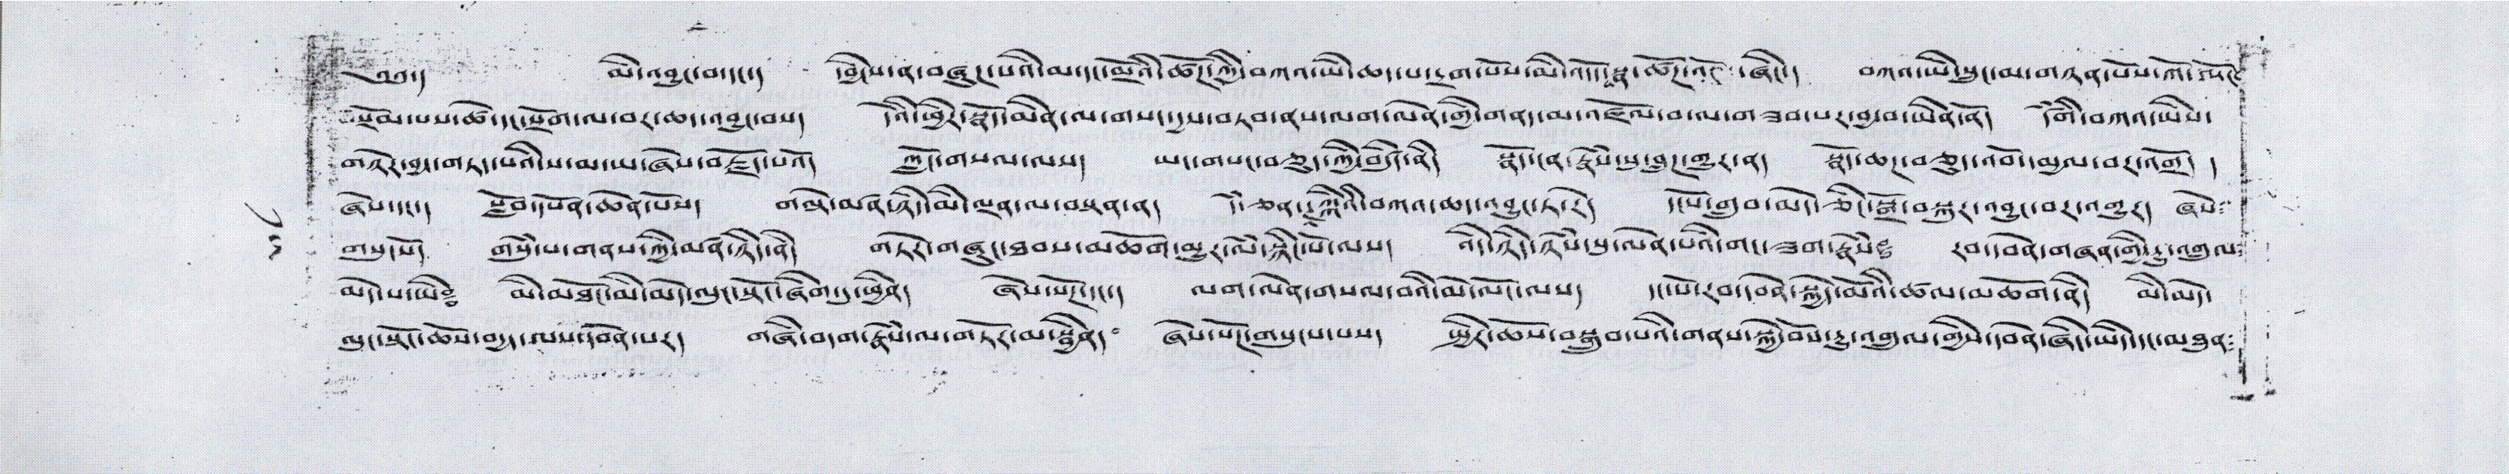མི་འབྱུང་བ་དང་། དབྱིངས་ན་བཞུགས་པའི་མ་དང་མཁའ་འགྲོའི་ཚོགས་ཀྱི་བཀའ་ཡི་ཆད་པ་དྲག་པོས་མི་འདོད་སྣ་ཚོགས་འོངས་ཤིང་། བཀའ་ཡི་སྲུང་མ་གཉན་པོས་ཀོ་ལོང་
བསྡོམ་པས་ཚེ་དང་སྲོག་ལ་བར་ཆད་འབྱུང་བས། དེའི་ཕྱིར་སྣོད་མིན་ལ་གསང་རྒྱས་བཏབ་ནས་ལག་ལེན་གྱི་གནད་མ་འཛོལ་བ་ལ་གཟབ་པར་བྱ་བ་ཡིན་ནོ། །དམ་ཚིག་བཀའ་ཡིས་
གཉེར་བྱང་གཏད་པའི་ས་མ་ཡ་ཞེས་བརྗོད་པའོ། །ཀློང་གསལ་ལས། ཡང་གསང་ཐུགས་ཀྱི་བདུད་རྩི་ནི། །སྣོད་ངན་རྣམས་སུ་བླུག་གྱུར་ན། །སྣོད་ཆག་བཅུད་འབོ་དམྱལ་བར་འགྲོ། །
ཞེས་དང་། སློབ་དཔོན་ཆེན་པོས། གལ་ཏེ་མཚན་ཉིད་མི་ལྡན་ལ་བསྟན་ན། དམ་ཅན་ཌཱཀྐིའི་བཀའ་ཆད་འབྱང་ཏ་རེ། །དངོས་གྲུབ་མེད་ཅིང་སྒྲོ་སྐུར་འབྱུང་བར་འགྱུར། །ཞེས་
གསུངས་སོ། །གསུམ་པ་གནས་ཀྱི་མཚན་ཉིད་ནི། གཏེར་གཞུང་ཐབས་མཆོག་མྱུར་ལམ་སྙིང་པོ་ལས། འདི་ཉིད་ཉམས་སུ་ལེན་པའི་གང་ཟག་རྣམས། །རབ་དབེན་གཞན་གྱི་རྒྱུ་འགྲུལ་
མེད་པ་ཡི། །མི་མཐོང་མི་མེད་ལུང་སྟོང་ཞིག་ཏུ་ཕྱིན། །ཞེས་སོགས་དང་། ལག་ལེན་གསལ་བའི་མེ་ལོང་ལས། དང་པོ་རབ་དབེན་སྐྱེད་མོའི་ཚལ་མཆོག་ནི། །མི་མེད་
ལུང་སྟོང་ཆོས་བརྒྱད་ལས་དབེན་པར། །གཞི་བདག་རྣམས་ལ་གཏོར་མ་སྦྱིན། །ཞེས་སོགས་གསུངས་པས། སྤྱིར་ཆོས་བསྒྲུབ་པའི་གནས་སྐྱེ་བོས་རྒྱུ་འགྲུལ་གྱིས་དབེན་ཞིང་ཡིད་དང་མཐུན་